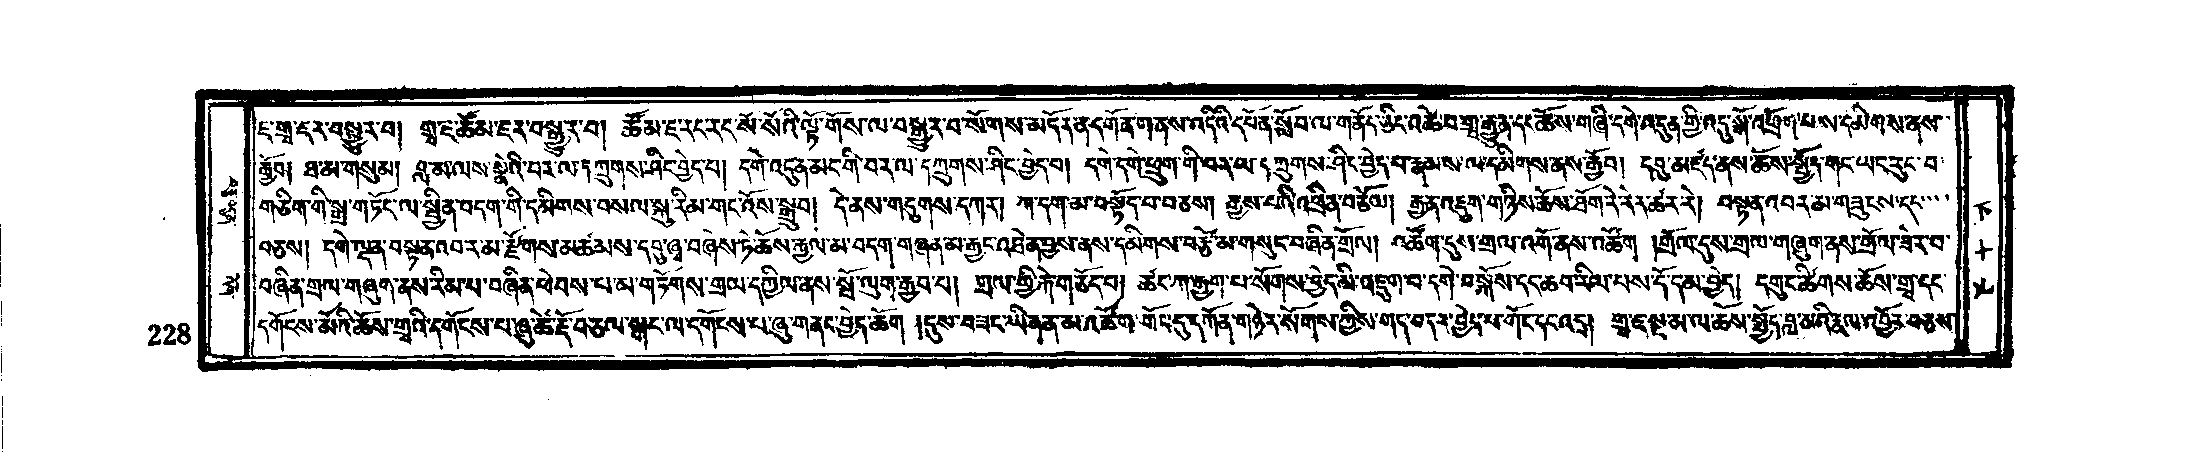ཇ་གྲྭ་ཇར་བསྒྱུར་བ། གྲྭ་ཇ་ཚོམ་ཇར་བསྒྱུར་བ། ཚོམ་ཇ་རང་རང་སོ་སོའི་ལྟོ་གོས་ལ་བསྒྱུར་བ་སོགས་མདོར་ན་དགོན་གནས་འདིའི་དཔོན་སློབ་ལ་གནོད་ཅིང་འཚེ་བ་གྲྭ་རྒྱུན་དང་ཆོས་གཞི་དགེ་འདུན་གྱི་འདུ་སྒོ་འཕྲོག་པས་དམིགས་ནས་
རྒྱོབ། ཐ་མ་གསུམ། བླ་མ་ལས་སྣེའི་བར་ལ་དཀྲུགས་ཤིང་བྱེད་པ། དགེ་འདུན་མང་གི་བར་ལ་དཀྲུགས་ཤིང་བྱེད་པ། དགེ་དགེ་ཕྲུག་གི་བར་ལ་དཀྲུགས་ཤིང་བྱེད་པ་རྣམས་ལ་དམིགས་ནས་རྒྱོབ། དབུ་མཛད་ནས་ཆོས་སྤྱོད་གང་ཡང་རུང་བ་
གཅིག་གི་སྒྲ་གཏོང་ལ་སྦྱིན་བདག་གི་དམིགས་བསལ་སྐུ་རིམ་གང་འོས་སྒྲུབ། དེ་ནས་གདུགས་དཀར། ཀ་དག་མ་བསྟོད་པ་བཅས། རྒྱས་པའི་འཕྲིན་བཅོལ། རྒྱན་འཇུག་གཉིས་ཆོས་ཐོག་རེ་རེར་ཚར་རེ། བསྟན་འབར་མ་གཟུངས་དང་
བཅས། དགེ་ལྡན་བསྟན་འབར་མ་རྫོགས་མཚམས་དབུ་ཞྭ་བཞེས་ཏེ་ཆོས་རྒྱལ་མ་བདག་གཞན་མ་རྒྱང་འཐེན་བྱས་ནས་དམིགས་བརྩེ་མ་གསུང་བཞིན་གྲོལ། འཚོག་དུས་གྲལ་འགོ་ནས་འཚོག །གྲོལ་དུས་གྲལ་གཞུག་ནས་གྲོལ་ཟེར་བ་
བཞིན་གྲལ་གཞུག་ནས་རིམ་པ་བཞིན་ཕེབས་པ་མ་གཏོགས་གྲལ་དཀྱིལ་ནས་སྦོ་ལུག་རྒྱབ་པ། གྲལ་གྱི་རྐེ་གཅོད་པ། ཚང་ཀ་རྒྱག་པ་སོགས་བྱེད་མི་འཇུག་པ་དགེ་བསྐོས་དང་ཆབ་རིལ་པས་དོ་དམ་བྱེད། དགུང་ཚིགས་ཆོས་གྲྭ་དང་
དགོངས་མོའི་ཆོས་གྲྭའི་དགོངས་པ་ཞུ་ཚེ་རྡོ་བཅལ་སྒང་ལ་དགོངས་པ་ཞུ་གནང་བྱེད་ཆོག །དུས་བཟང་ཡིན་ན་མ་འཚོག་གོང་དུ་དཀོན་གཉེར་སོགས་ཀྱིས་གད་བདར་བྱེད་པ་གོང་དང་འདྲ། གྲྭ་ཇ་སྔ་མ་ལ་ཆོས་སྤྱོད་བླ་མའི་རྣལ་འབྱོར་བཅས་